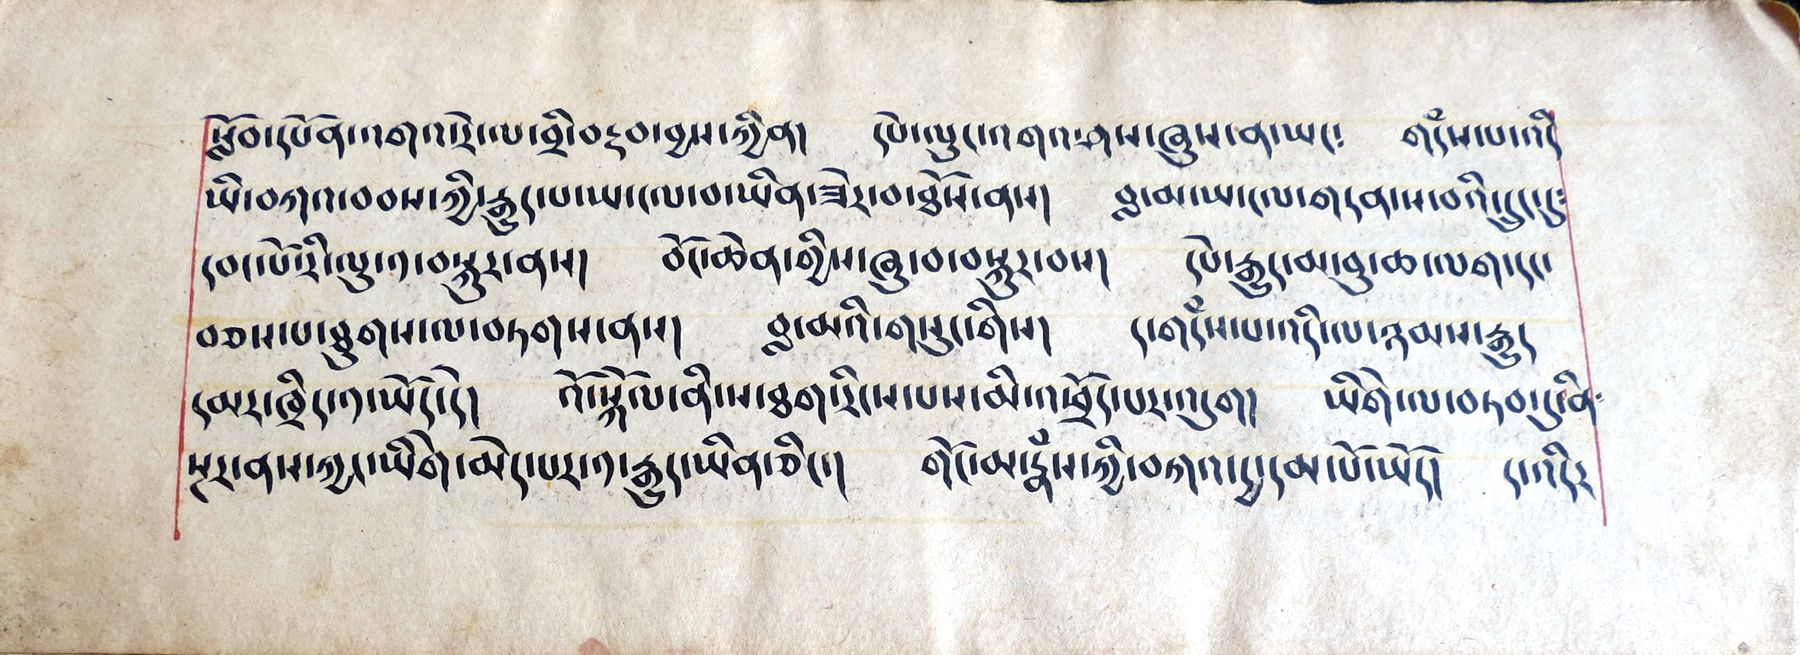སློབ་དཔོན་འགའ་རེ་ལ་དྲི་བརྡབ་བྱས་ཀྱིན། དཔེ་ལུང་འགའ་ཤས་ཞུས་ན་ཡང་། གདམས་པ་འདི
འི་བཀའ་བབས་ཀྱི་བརྒྱུད་པ་ཡ་ངལ་བ་ཡིན་ཟེར་བ་ཐོས་ནས། བླ་མ་ཡ་ངལ་གདན་ས་བའི་དྲུང་དུ་
དབང་པོ་རི་ལུ་གཅིག་བསྐུར་ནས་བང་ཆེན་གྱིས་ཞུ་བ་བསྐུར་པས། དཔེ་རྒྱུད་མ་བུ་ཆ་ལག་དང་
བཅས་པ་ཐུགས་ལ་བཏགས་ནས། བླ་མའི་གསུངས་གིས། ད་གདམས་པ་འདི་ལ་ཉམས་རྒྱུད་
དམར་ཁྲིད་གཅིག་ཡོད་དེ། འོ་སྐོལ་ནི་ས་ཐག་རིང་པས་མི་འཕྲོད་པར་འདུག ཡི་གེ་ལ་བཏབ་ཏུ་ནི་
སྔར་ནས་ཀྱང་ཡི་གེ་མེད་པར་གཅིག་རྒྱུད་ཡིན་ཅིང་། གོང་མ་རྣམས་ཀྱིས་བཀའ་རྒྱ་དམ་པོ་ཡོད། ད་འདིར་